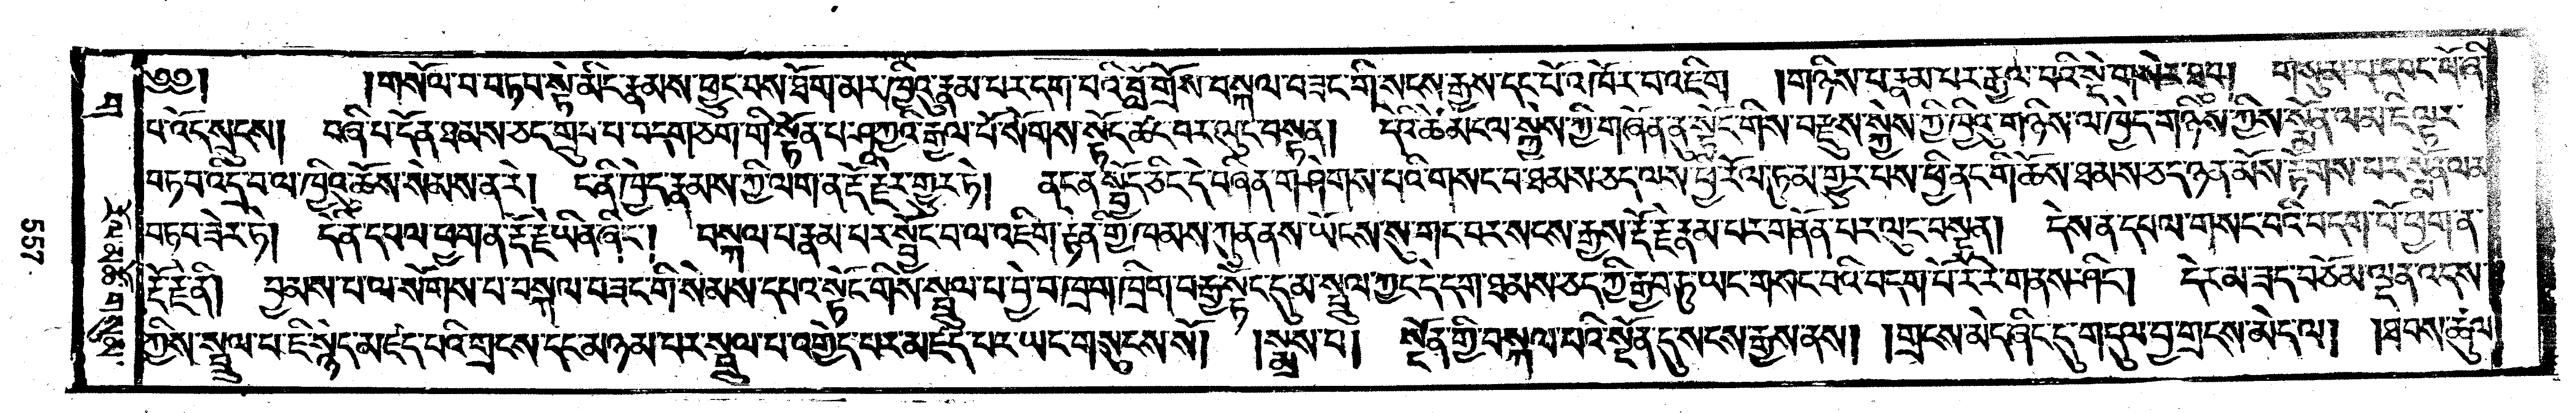༄༅། །གསོལ་བ་བཏབ་སྟེ་མིང་རྣམས་ཕྱུང་བས་ཐོག་མར་ཁྱིའུ་རྣམ་པར་དག་པའི་བློ་གྲོས་བསྐལ་བཟང་གི་སངས་རྒྱས་དང་པོ་འཁོར་བ་འཇིག །གཉིས་པ་རྣམ་པར་རྒྱལ་བའི་སྡེ་གསེར་ཐུབ། གསུམ་པ་དབང་པོ་ཞི་
པ་འོད་སྲུངས། བཞི་པ་དོན་ཐམས་ཅད་གྲུབ་པ་བདག་ཅག་གི་སྟོན་པ་ཤཱཀྱའི་རྒྱལ་པོ་སོགས་སྟོང་ཚང་བར་ལུང་བསྟན། དེའི་ཚེ་མངལ་སྐྱེས་ཀྱི་གཞོན་ནུ་སྟོང་གིས་བརྩུས་སྐྱེས་ཀྱི་ཁྱིའུ་གཉིས་ལ་ཁྱེད་གཉིས་ཀྱིས་སྨོན་ལམ་ཇི་ལྟར་
བཏབ་འདྲི་བ་ལ་ཁྱིའུ་ཆོས་སེམས་ན་རེ། ང་ནི་ཁྱེད་རྣམས་ཀྱི་ལག་ན་རྡོ་རྗེར་གྱུར་ཏེ། ནང་ན་སྤྱོད་ཅིང་དེད་བཞིན་གཤེགས་པའི་གསང་བ་ཐམས་ཅད་ལས་ཕྱི་རོལ་ཏུ་མ་གྱུར་པས་ཕྱི་ནང་གི་ཆོས་ཐམས་ཅད་ཉན་མོས་རྟོགས་པར་སྨོན་ལམ་
བཏབ་ཟེར་ཏེ། དེ་ནི་དཔལ་ཕྱག་ན་རྡོ་རྗེ་ཡིན་ཞིང་། བསྐལ་པ་རྣམ་པར་སྦྱོང་བ་ལ་འཇིག་རྟེན་གྱི་ཁམས་ཀུན་ནས་ཡོངས་སུ་གང་བར་སངས་རྒྱས་རྡོ་རྗེ་རྣམ་པར་གནོན་པར་ལུང་བསྟན། དེས་ན་དཔལ་གསང་བའི་བདག་པོ་ཕྱག་ན་
རྡོ་རྗེ་ནི། བྱམས་པ་ལ་སོགས་པ་བསྐལ་བཟང་གི་སེམས་དཔའ་སྟོང་གིས་སྤྲུལ་པ་བྱེ་བ་ཁྲག་ཁྲིག་བརྒྱ་སྟོང་དུ་མ་སྤྲུལ་ཀྱང་དེ་དག་ཐམས་ཅད་ཀྱི་རྒྱབ་ཏུ་ཡང་གསལ་བའི་བདག་པོ་ར་རེ་གནས་ཤིང་། དེར་མ་ཟད་བཅོམ་ལྡན་འདས་
ཀྱིས་སྤྲུལ་པ་ཇི་སྙེད་མཛད་པའི་གྲངས་དང་མཉམ་པར་སྤྲུལ་པ་འགྱེད་པར་མཛད་པར་ཡང་གསུངས་སོ། །སྨྲས་པ། སྔོན་གྱི་བསྐལ་བའི་སྔོན་དུ་སངས་རྒྱས་ནས། །གྲངས་མེད་ཞིང་དུ་གདུལ་བྱ་གྲངས་མེད་ལ། །ཐབས་ཚུལ་